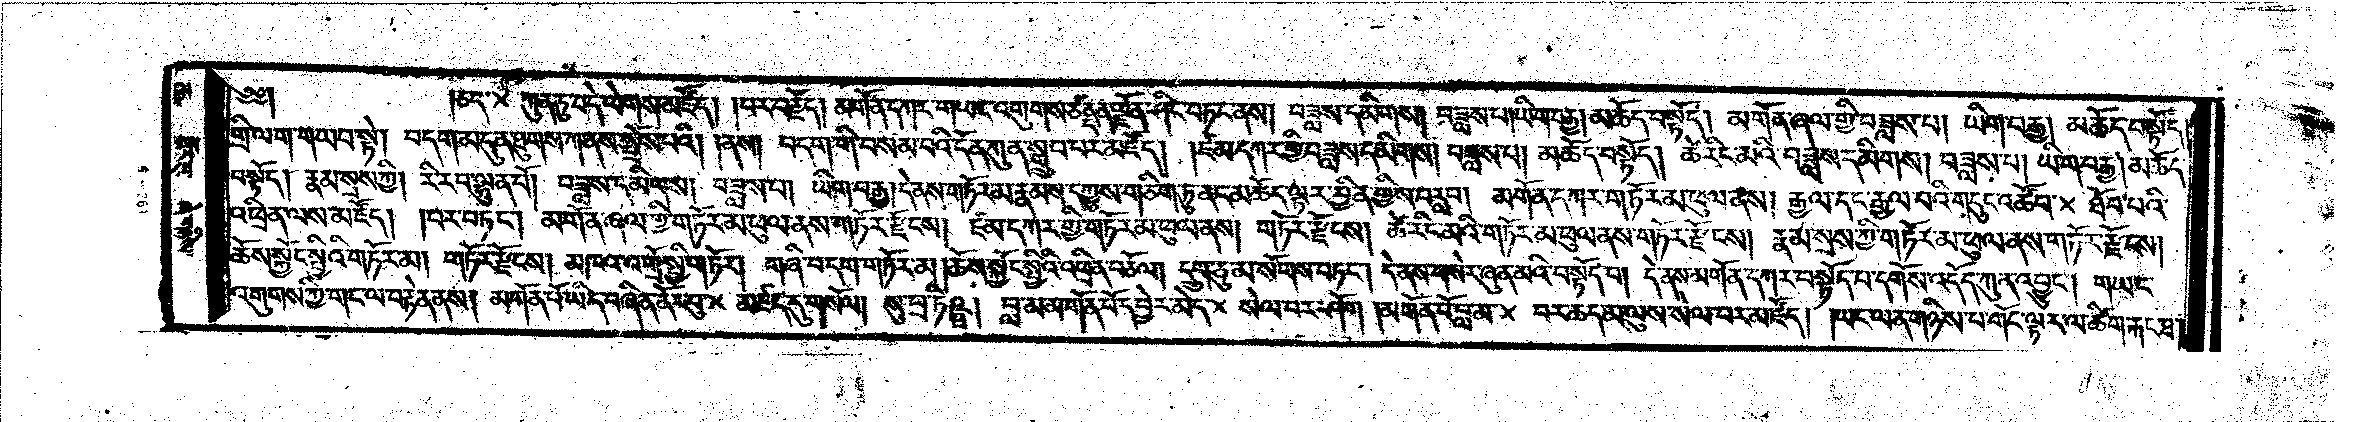༄༅། །ཅད་྾་ཀུན་ཏུ་བདེ་ལེགས་མཛོད། །བར་བརྗོད། མགོན་དཀར་གཡང་འགུགས་ཙནྡན་ལྗོན་ཤིང་བཏང་ནས། བཟླས་དམིགས། བཟླས་པ། ཡིག་བརྒྱ། མཆོད་བསྟོད། མགོན་ཞལ་གྱི་བཟླས་པ། ཡིག་བརྒྱ། མཆོད་བསྟོད།
གྲི་ལག་གཡབ་སྟེ། བདག་མདུན་ཐུགས་ཀ་ནས་སྤྲོས་པའི། །ནས། བདག་གི་བསམ་པའི་དོན་ཀུན་སྒྲུབ་པར་མཛོད། །ཛམ་དཀར་གྱི་བཟླས་དམིགས། བཟླས་པ། མཆོད་བསྟོད། ཚེ་རིང་མའི་བཟླས་དམིགས། བཟླས་པ། ཡིག་བརྒྱ། མཆོད་
བསྟོད། རྣམ་སྲས་ཀྱི། རི་རབ་ལྷུན་པོ། བཟླས་དམིགས། བཟླས་པ། ཡིག་བརྒྱ། དེ་ནས་གཏོར་མ་རྣམས་དཀྱུས་གཅིག་ཏུ་ནང་མཆོད་ལྟར་བྱིན་གྱིས་བརླབ། མགོན་དཀར་གཏོར་མ་ཕུལ་ནས། རྒྱལ་དང་རྒྱལ་བའི་གདུང་འཚོབ྾་ཐོབ་པའི་
འཕྲིན་ལས་མཛོད། །བར་བཏང་། མགོན་ཞལ་གྱི་གཏོར་མ་ཕུལ་ནས་གཏོར་རྫོངས། ཛམ་དཀར་གྱི་གཏོར་མ་ཕུལ་ནས། གཏོར་རྫོངས། ཚེ་རིང་མའི་གཏོར་མ་ཕུལ་ནས་གཏོར་རྫོངས། རྣམ་སྲས་ཀྱི་གཏོར་མ་ཕུལ་ནས་གཏོར་རྫོངས།
ཆོས་སྐྱོང་སྤྱིའི་གཏོར་མ། གཏོར་རྫོངས། མཁའ་འགྲོ་སྦྱི་གཏོར། གཞི་བདག་གཏོར་མཱ། ཆོས་སྐྱོང་སྤྱིའི་འཕྲིན་བཅོལ། དྲུག་ཅུ་མ་སོགས་བཏང་། དེ་ནས་གསེར་ཞུན་མའི་བསྟོད་པ། དེ་ནས་མགོན་དཀར་བསྟོད་པ་དགོས་འདོད་ཀུན་འབྱུང་། གཡང་
འགུགས་ཀྱི་གང་ལ་བརྟེན་ནས། མགོན་པོ་ཡིད་བཞིན་ནོར་བུ྾་མཛད་དུ་གསོལ། སུ་བྲ་ཏི་ཥཊཿཨ། བླ་མ་མགོན་པོ་དབྱེར་མེད྾་སེལ་བར་ཤོག། མགོན་པོ་བླ་མ྾་བར་ཆད་མ་ལུས་སེལ་བར་མཛོད། །ཡང་ལན་གཉིས་པ་གོང་ལྟར་ལ་ཚིག་རྐང་ཐ་